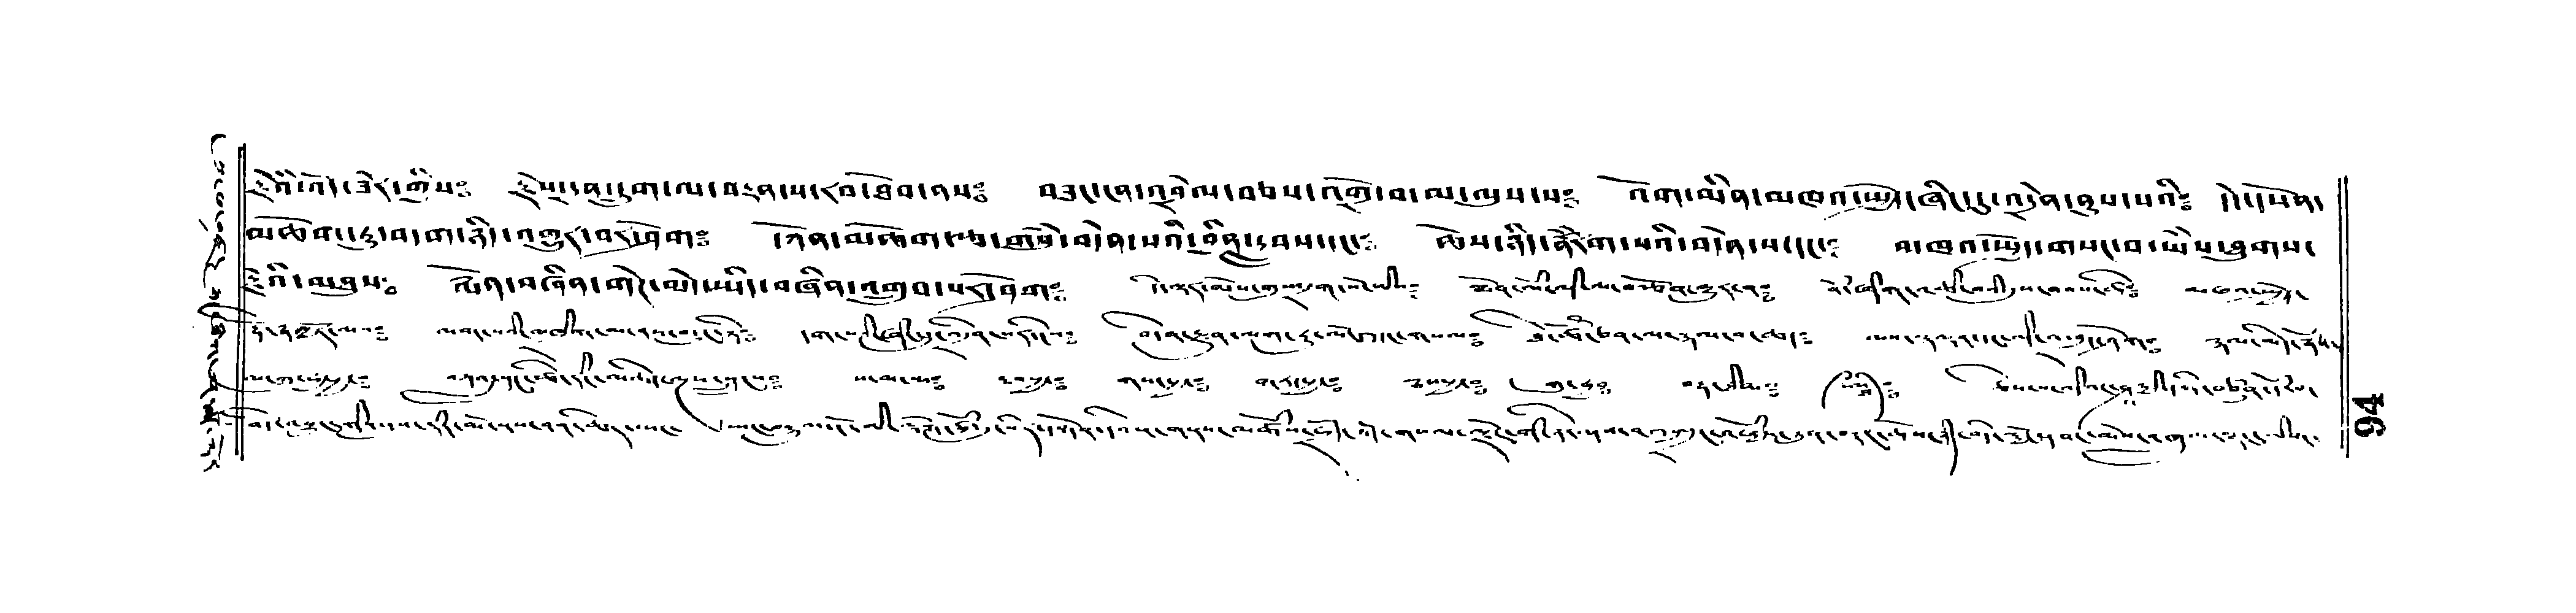རྗེའི་འོད་ཟེར་གྱིས༔ རྗེས་དྲན་དྲུག་ལ་བརྟན་པ་རབ་ཐོབ་ནས༔ བཟང་ངན་འབྲེལ་བཅས་འགྲོ་བ་མ་ལུས་པ༔ འོག་མིན་མཁའ་སྤྱོད་ཞིང་དུ་འདྲེན་ནུས་པའི༔ དེད་དཔོན་
མཆོག་ཏུ་བདག་ཉིད་འགྱུར་བར་ཤོག༔ དཀོན་མཆོག་རྩ་གསུམ་བདེན་པའི་བྱིན་རླབས་དང༔ ཆོས་ཉིད་རྣམ་པར་དག་པའི་བདེན་པ་དང༔ མཁའ་སྤྱོད་གསང་བ་ཡེ་ཤེས་ཐུགས་
རྗེའི་མཐུས༔ སྨོན་བཞིན་གེགས་མེད་ཡིད་བཞིན་འགྲུབ་པར་ཤོག༔ དེ་ལྟར་མོས་གུས་དྲག་པོ་ཡིས༔ སྨོན་ལམ་འདི་ལ་བརྩོན་གྱུར་ན༔ ནམ་ཞིག་འཆི་བའི་དུས་བབས་ཚེ༔ མཁའ་སྤྱོད་
རྡོ་རྗེ་རྣལ་འབྱོར་མས༔ ལག་པའི་མཁྲིག་མ་ནས་བཟུང་སྟེ༔ དག་པའི་ཞིང་དུ་འདྲེན་པར་ངེས༔ བདེན་རྫུན་ལག་ཏུ་ལོངས་དང་གསལ༔ ཐེ་ཚོམ་ཅན་ལ་སྐལ་བ་ཆད༔ ལས་སྐལ་ལྡན་དང་འདི་འཕྲད་ཤོག༔ སྐལ་མེད་རྣམས་
ལ་གུ་ཧྱ་རྒྱ༔ བཀའ་སྲུང་ཚེ་རིང་མཆེད་ལྔས་སྲུངས༔ ས་མ་ཡ༔ ཟབ་རྒྱ༔ གསང་རྒྱ༔ གཏད་རྒྱ༔ རྦས་རྒྱ༔ གུ་ཧྱ༔ བརྡ་ཐིམ༔ ༔ ཅེས་པ་འདིའང་ཤཱཀྱའི་དགེ་བཙུན་དམ་པ་
བདེ་འབྱུང་གིས་དུས་རིང་མོ་ནས་ནན་ཆེར་ཡང་ཡང་བསྐུལ་ངོ་མི་ལྡོག་ཙམ་དུ་སེར་དགོན་དབེན་གནས་མཚམས་ཁྲོད་འོད་གསལ་ལྗོངས་ཀྱི་ཉེ་འདབས་ནས་སྤྲང་འཁྱམས་ཀུན་བཟང་ཆོས་ཉིད་བདེ་སྐྱོང་དབང་མོས་འཁྲུལ་སྣང་ཡིག་